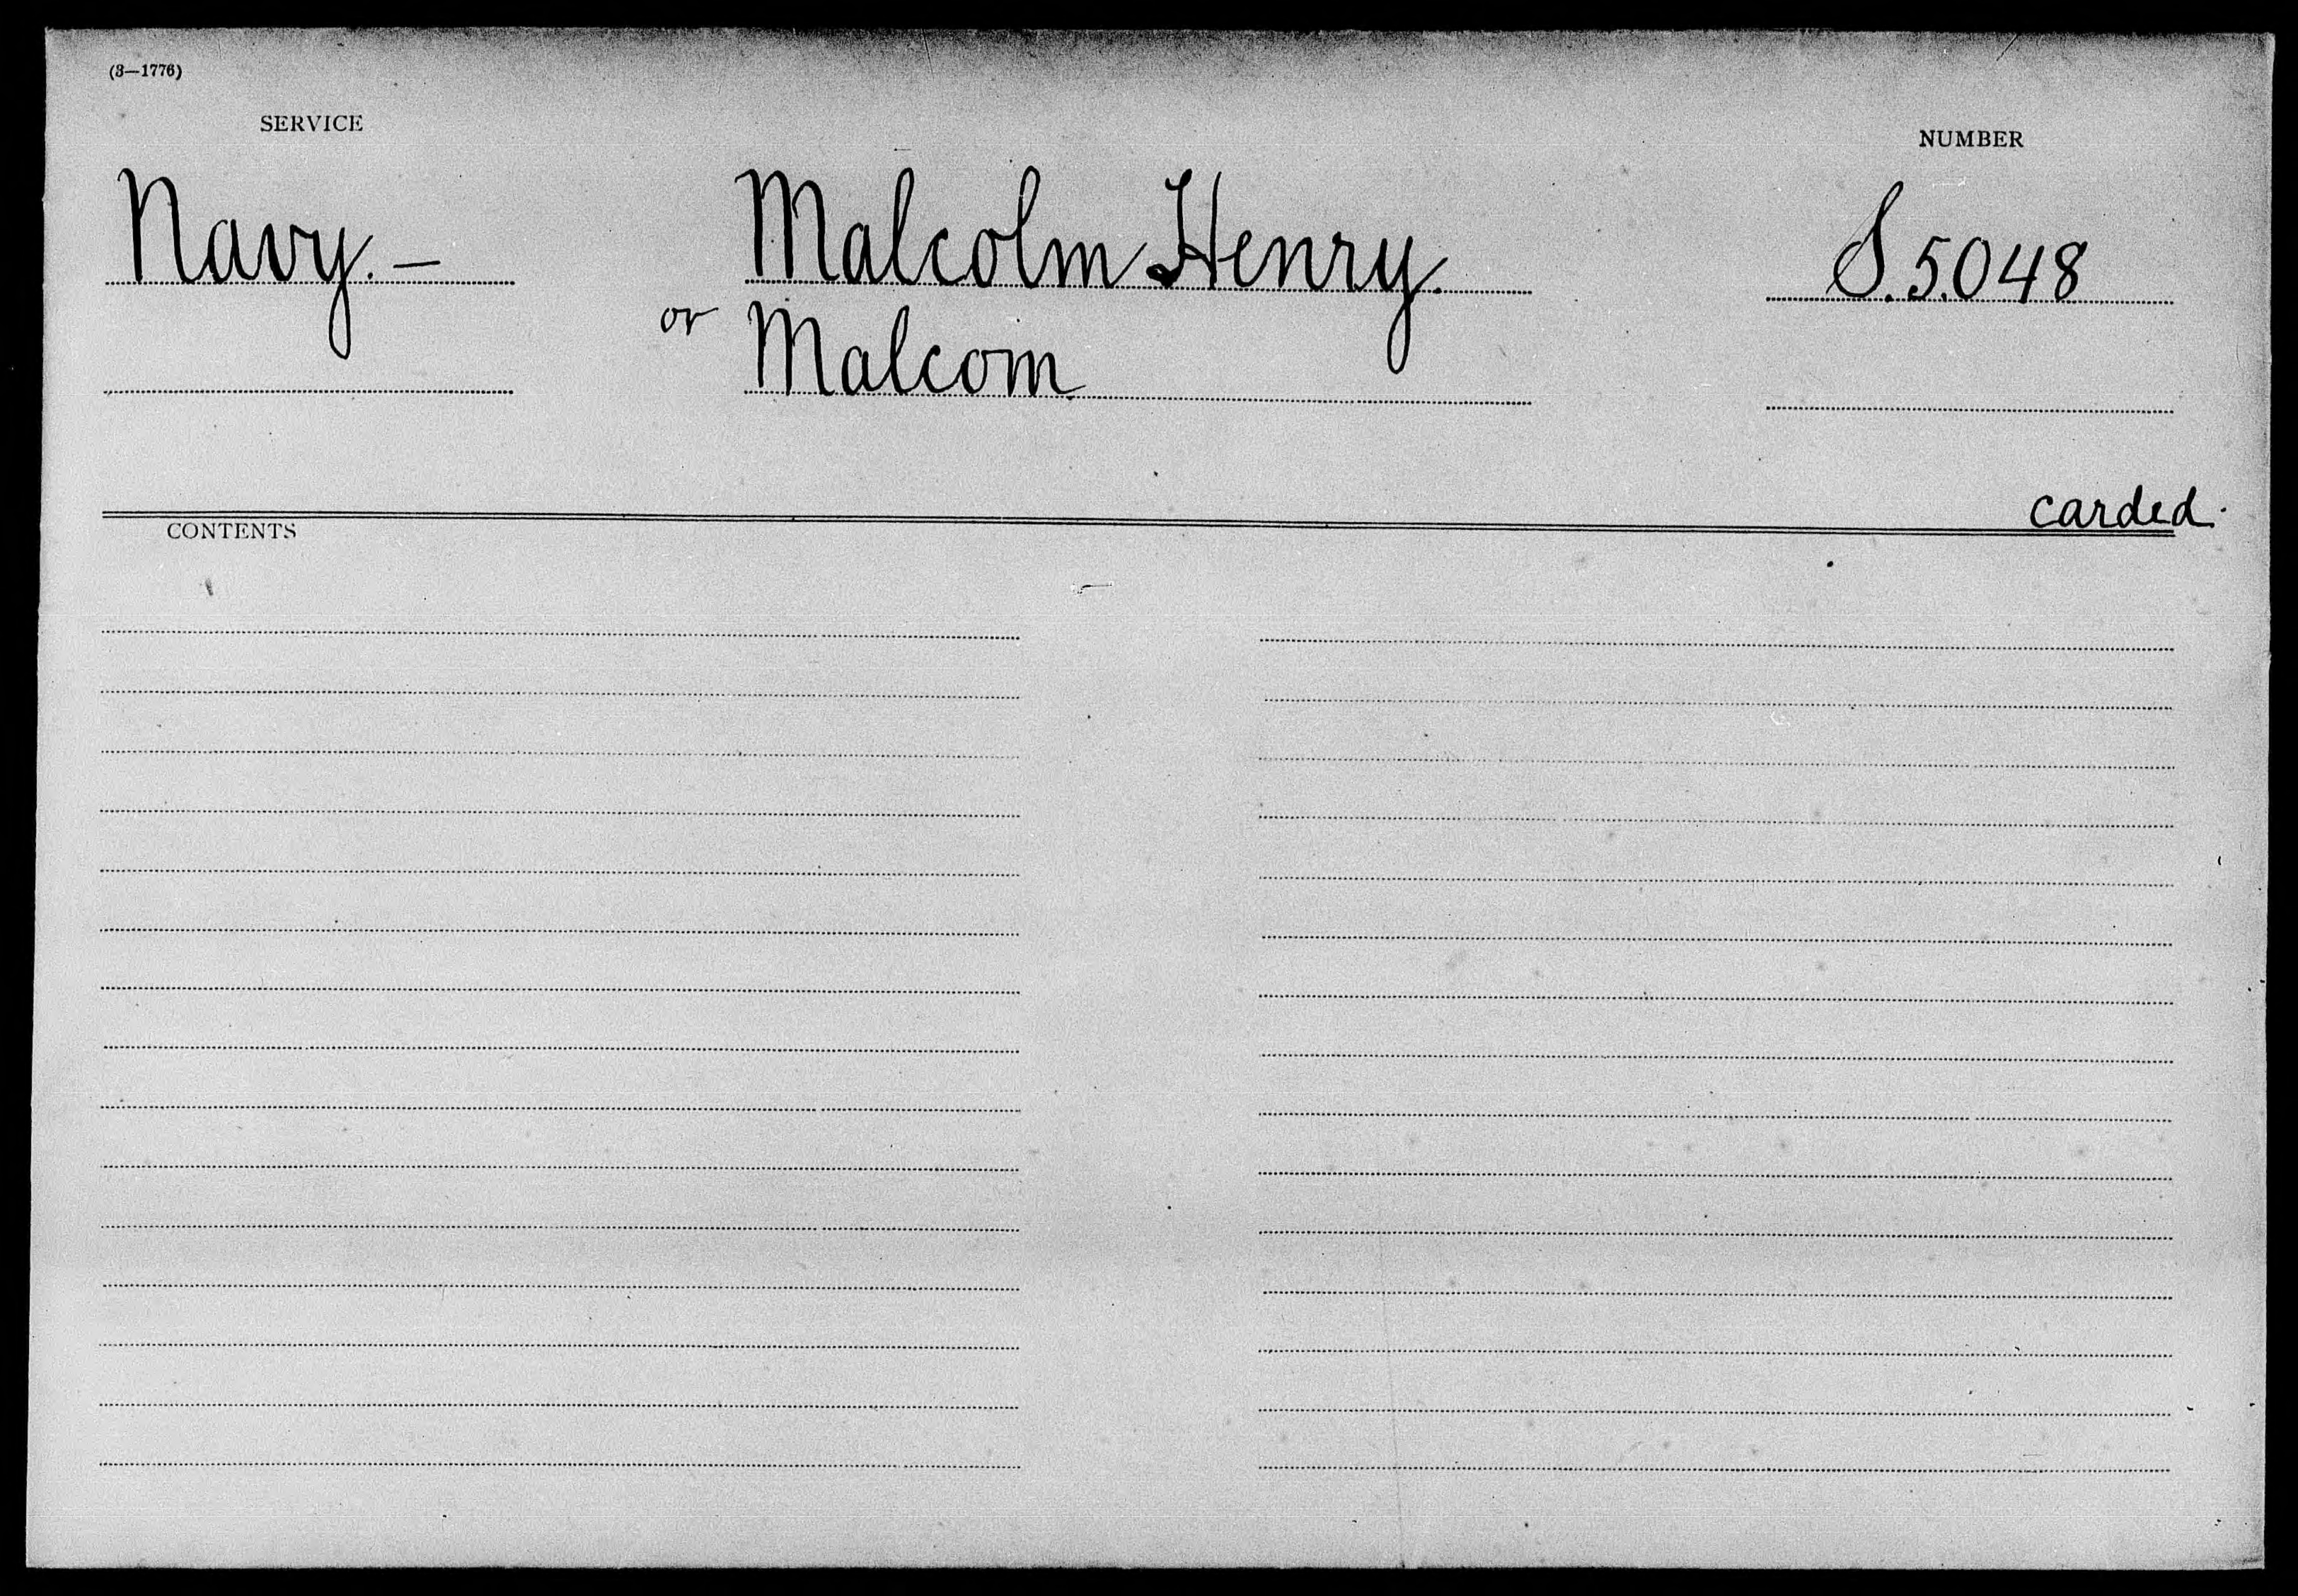(3-1776)
Navy --
CONTENTS
Malcolm Henry or
Malcom
NUMBER
S. 5.048
carded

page: 1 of 28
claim: survivor's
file: S. 5,048, for Henry Malcolm